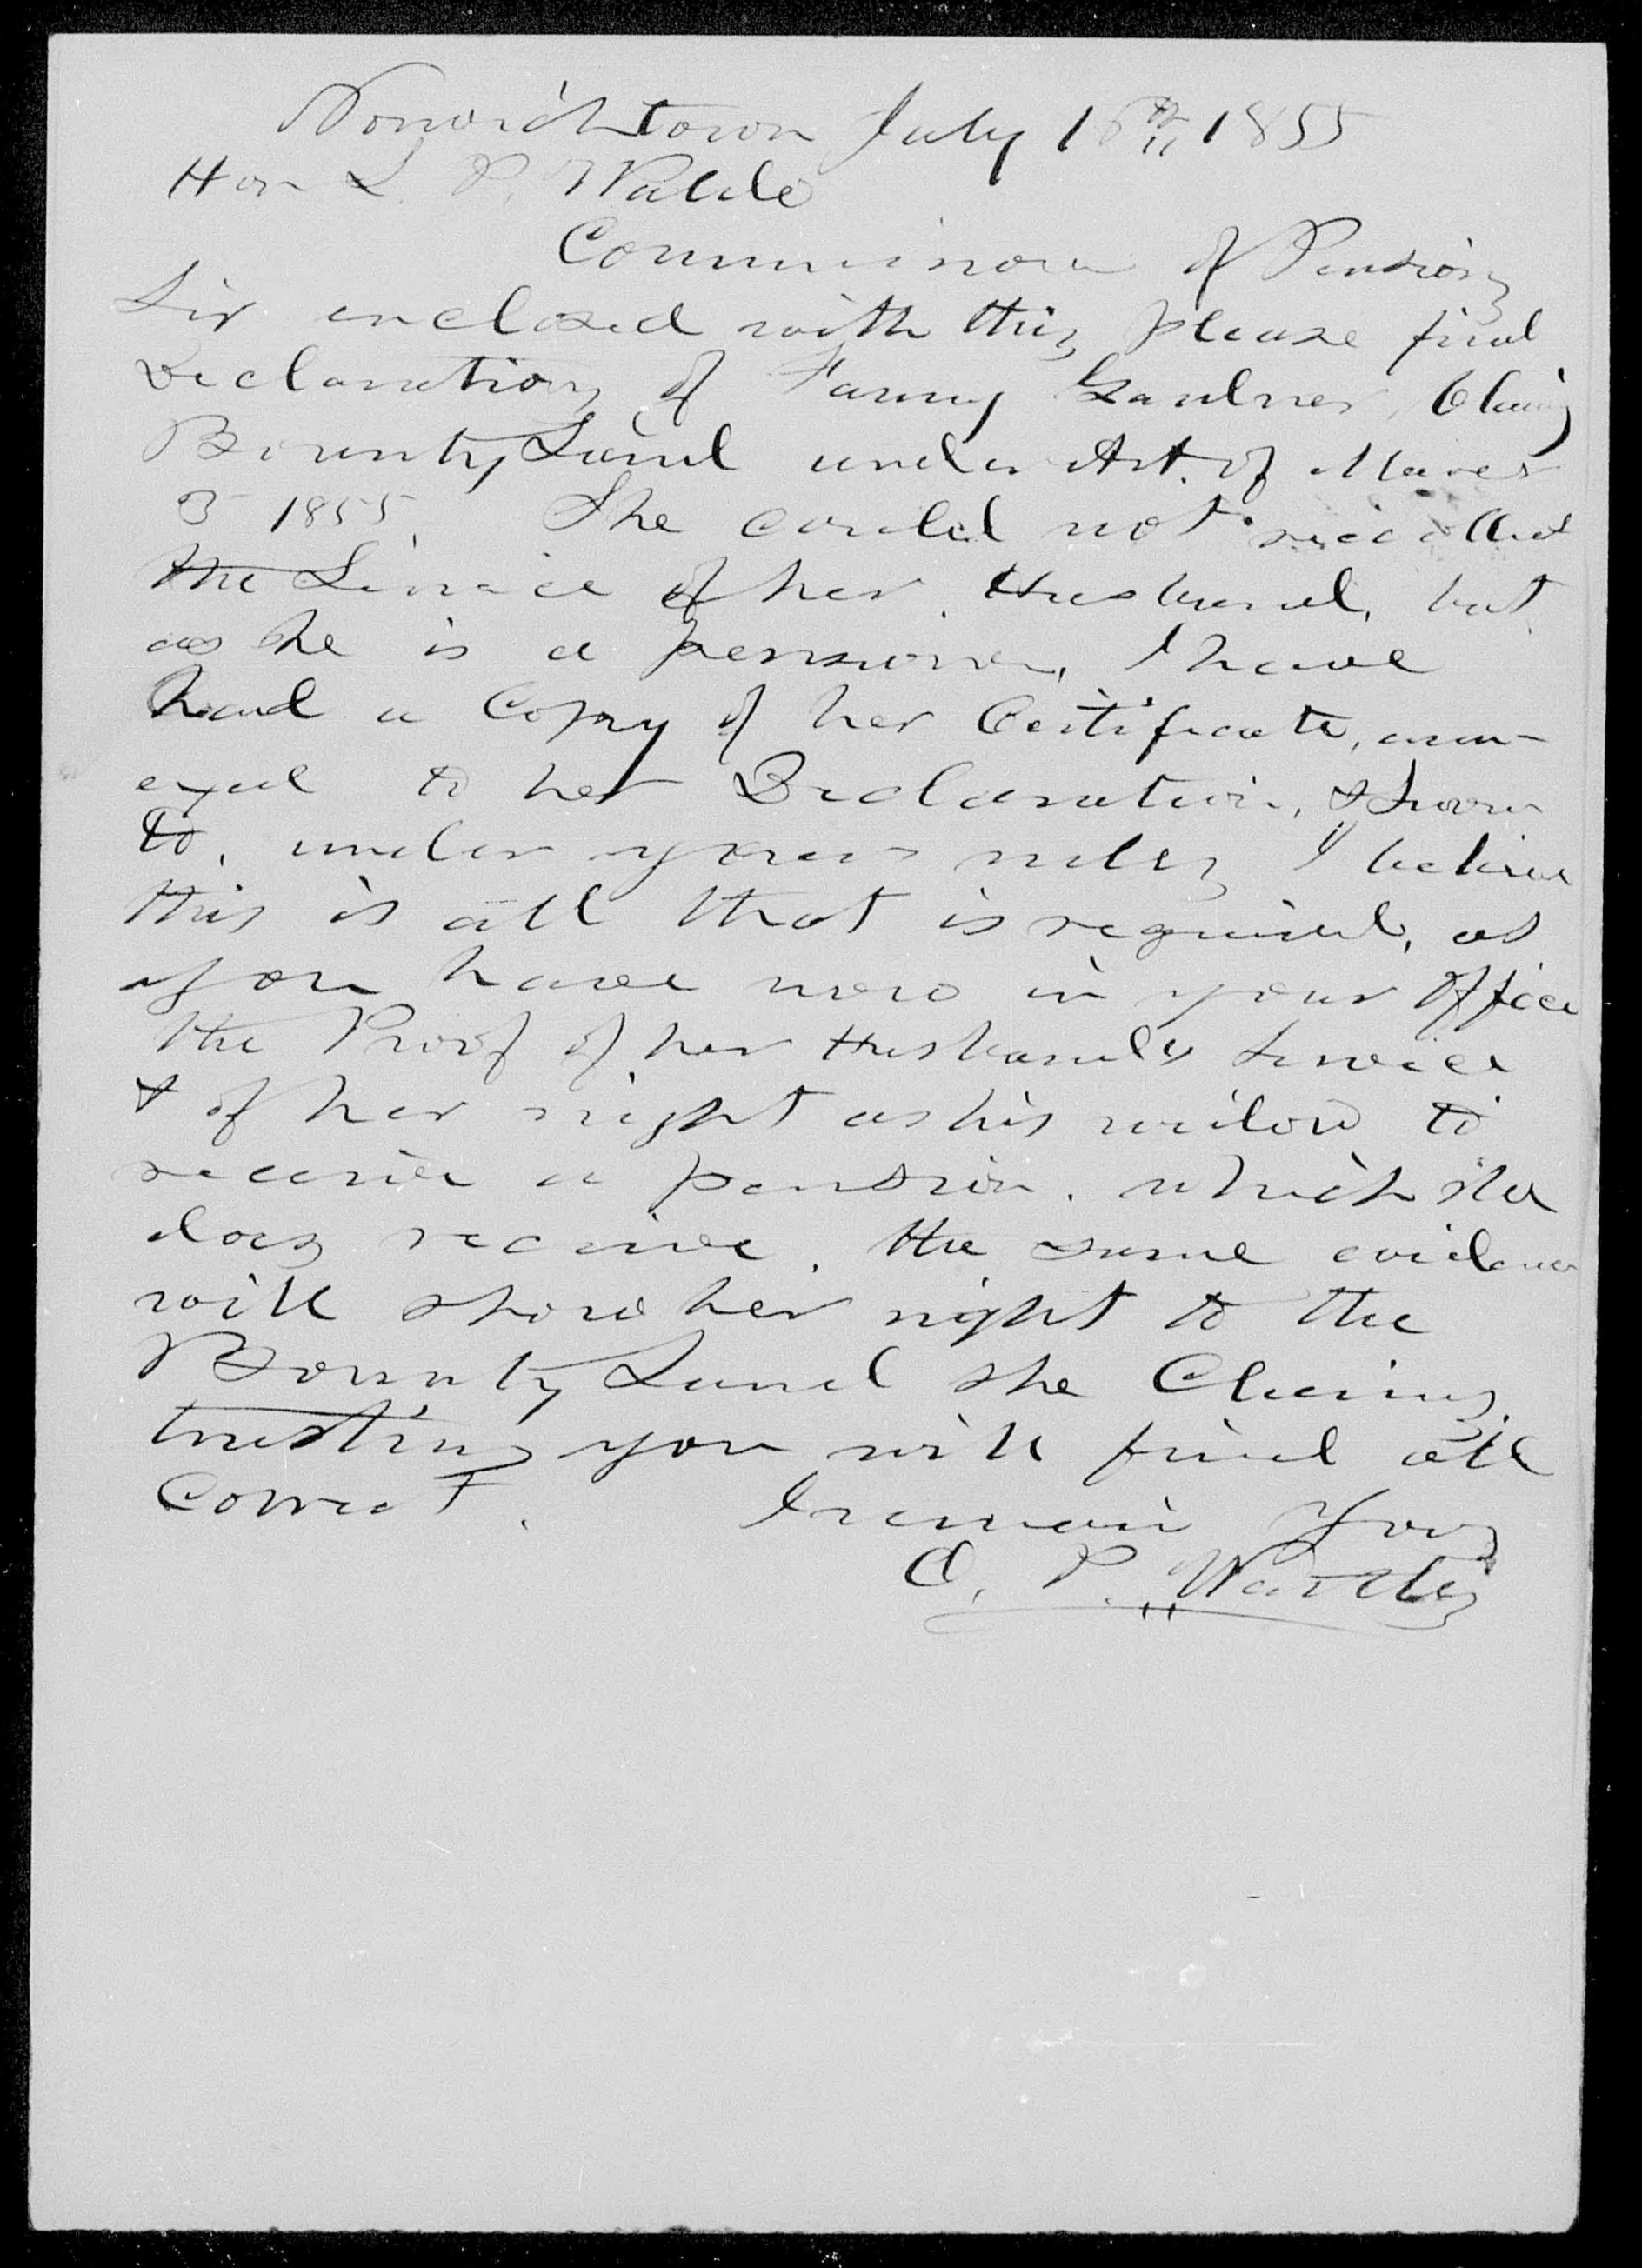Norwichtown July 16th, 1855
Hon L. P. Waldo
Commissioner of Pensions
Sir enclosed with this, please find declaration of Farney Gardner, claim Bounty Land under Act of March of 1855. She could not recollect the service of her husband, but as he is a pensioner I have had a copy of her certificate annexed to her declaration & hereto. Under your rules, I believe this is all that is required, as you have more in your office. The proof of her husband services & of her right as his widow to receive his pension, which she does receive. The same evidence will show her right to the Bounty Fund she clearly trusting you will find all correct. 
I remain yours, O.P. Wattles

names: Fanny Gardner, O P Wattles, L P Waldo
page: 65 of 66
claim: widow's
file: W 1850, David Gardner, Conn.